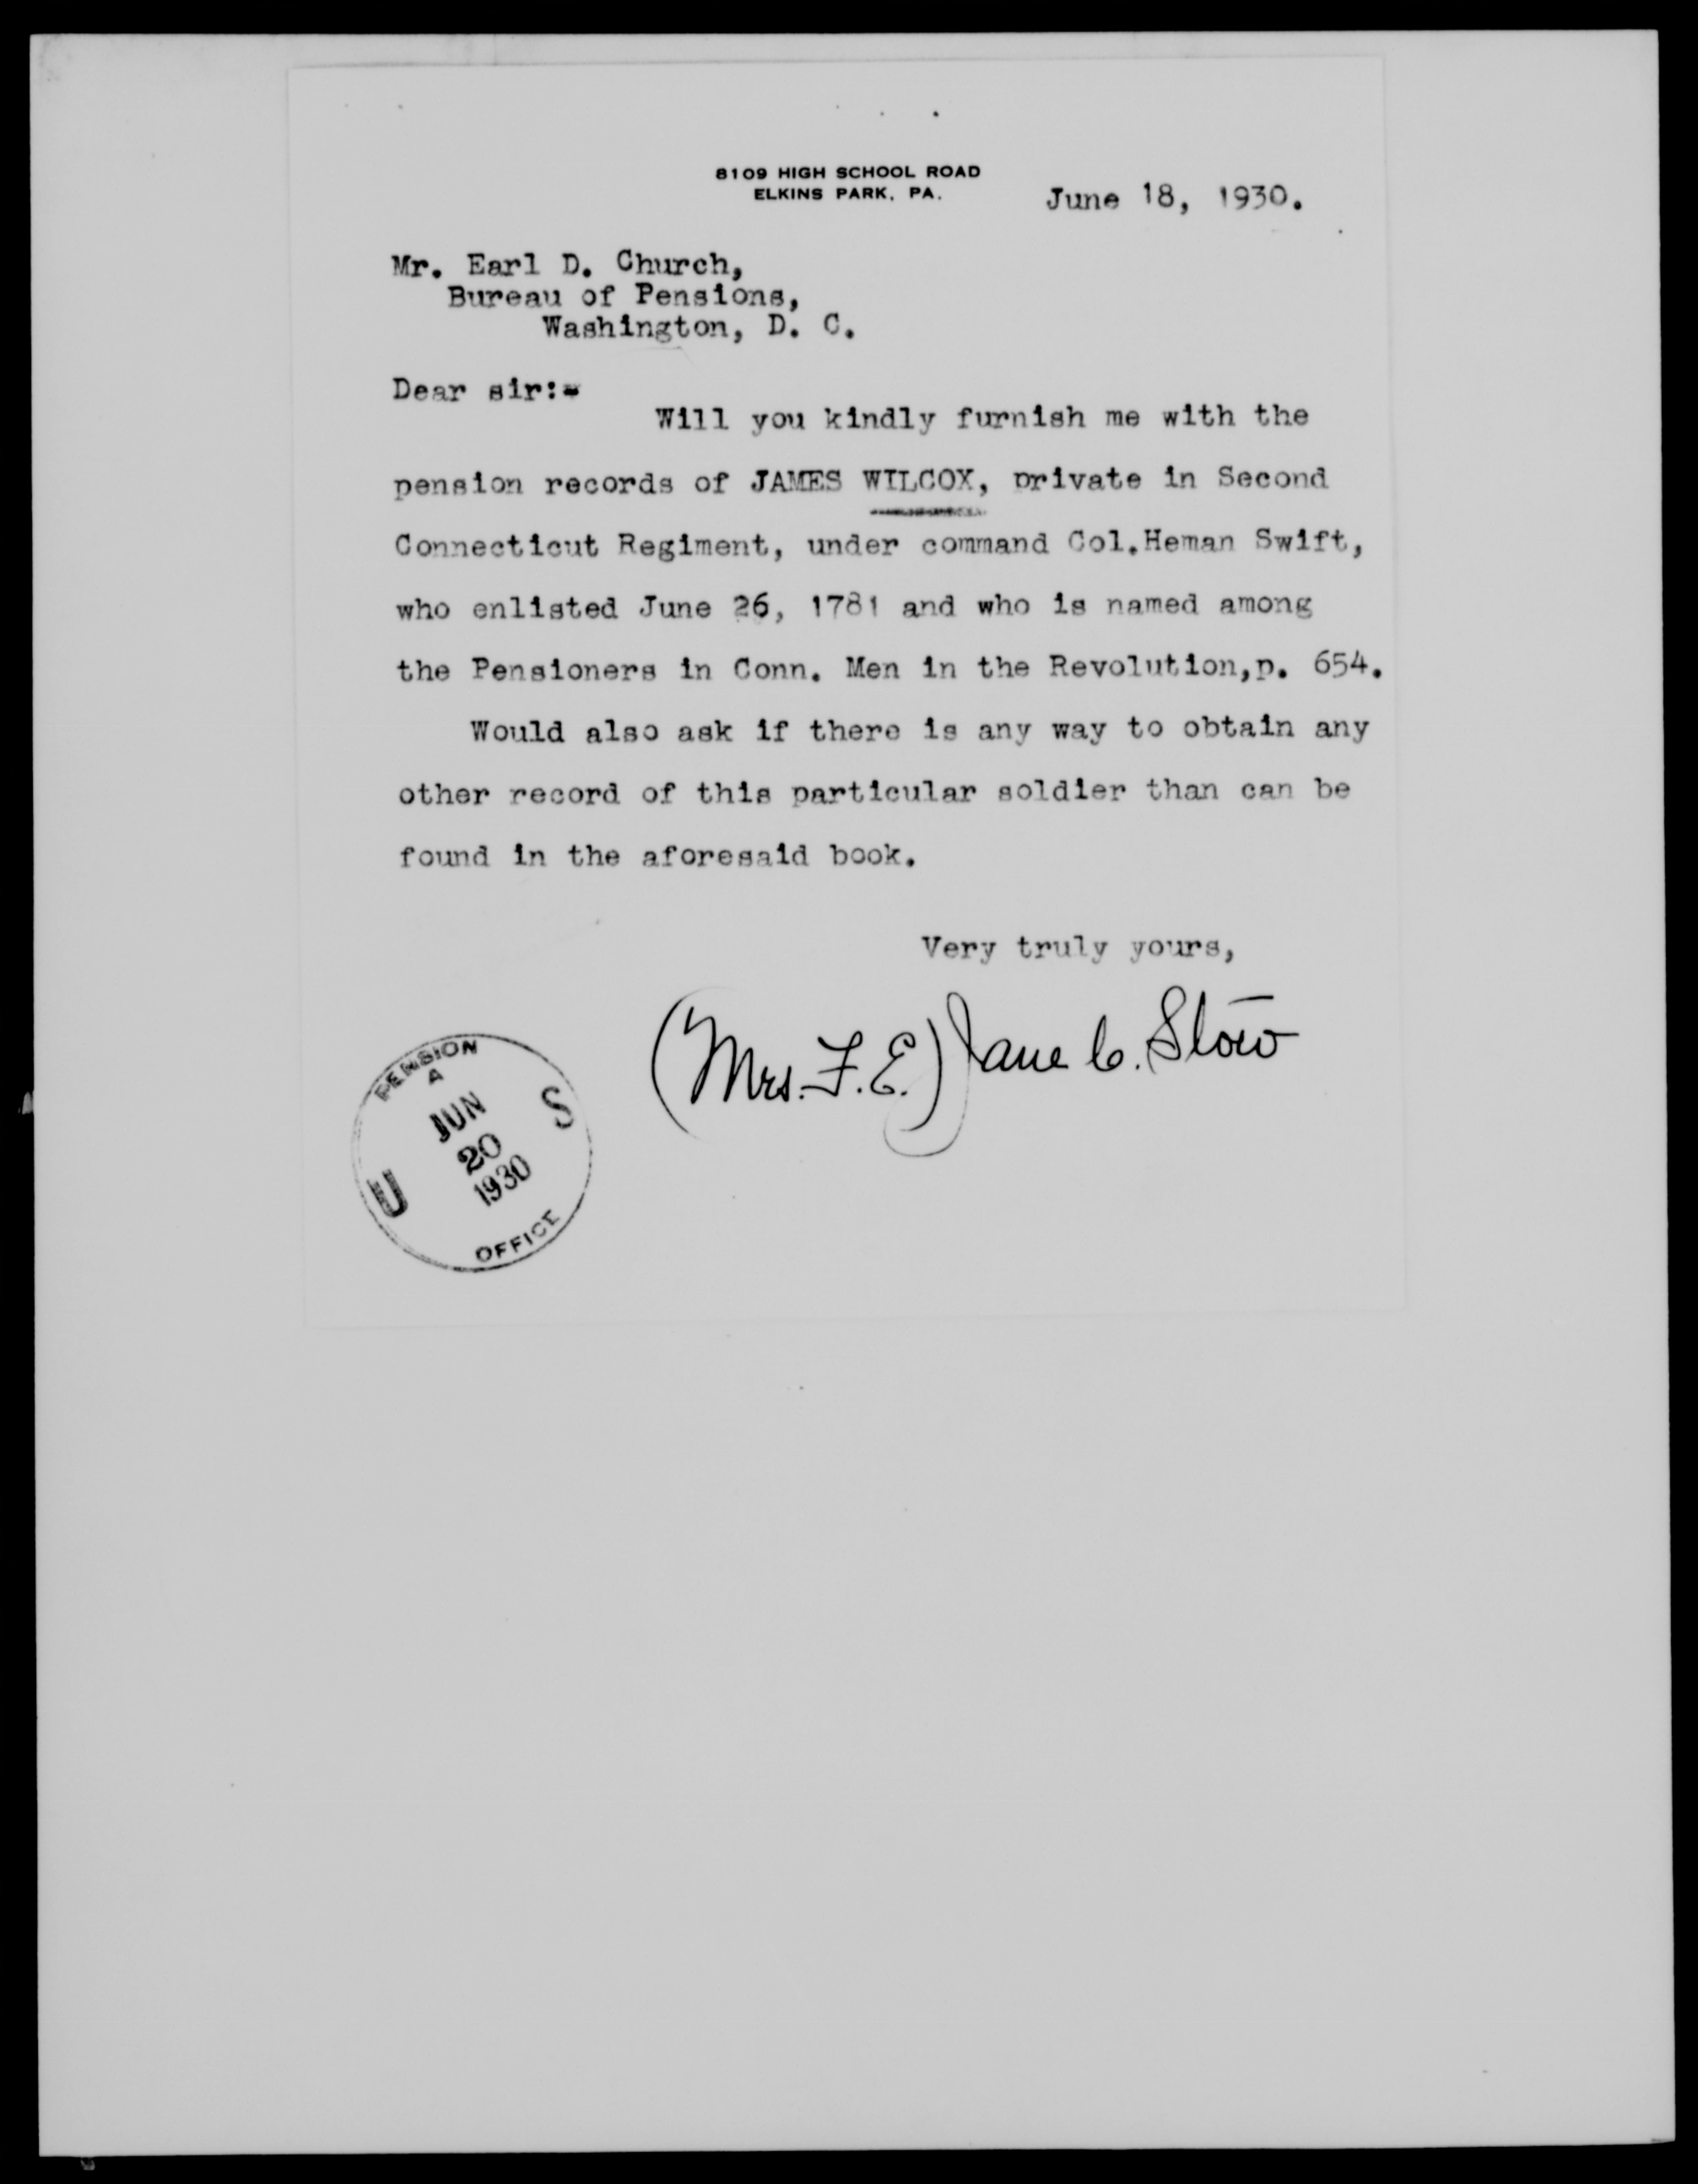8109 HIGH SCHOOL ROAD
ELKINS PARK, PA.

June 18, 1930.

Mr. Earl D. Church, 
Bureau of Pensions,
Washington, D. C.

Dear sir:-

Will you kindly furnish me with the pension records of JAMES WILCOX,  private in Second Connecticut Regiment, under command Col. Heman Swift, who enlisted June 26, 1781 and who is named among the Pensioners in Conn.  Men in the Revolution, p. 654.

Would also ask if there is any to obtain any other record of this particular soldier than can be found in the aforesaid book.

Very truly yours,
(Mrs. F. E.)  Jane C. Stow

PENSION 
A 
JUN
U  20   S
1930
OFFICE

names: Earl D Church, Heman Swift, F E Stow, Jane C Stow, James Wilcox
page: 42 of 46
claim: widow's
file: W. 18,417, James Willcox, Conn.